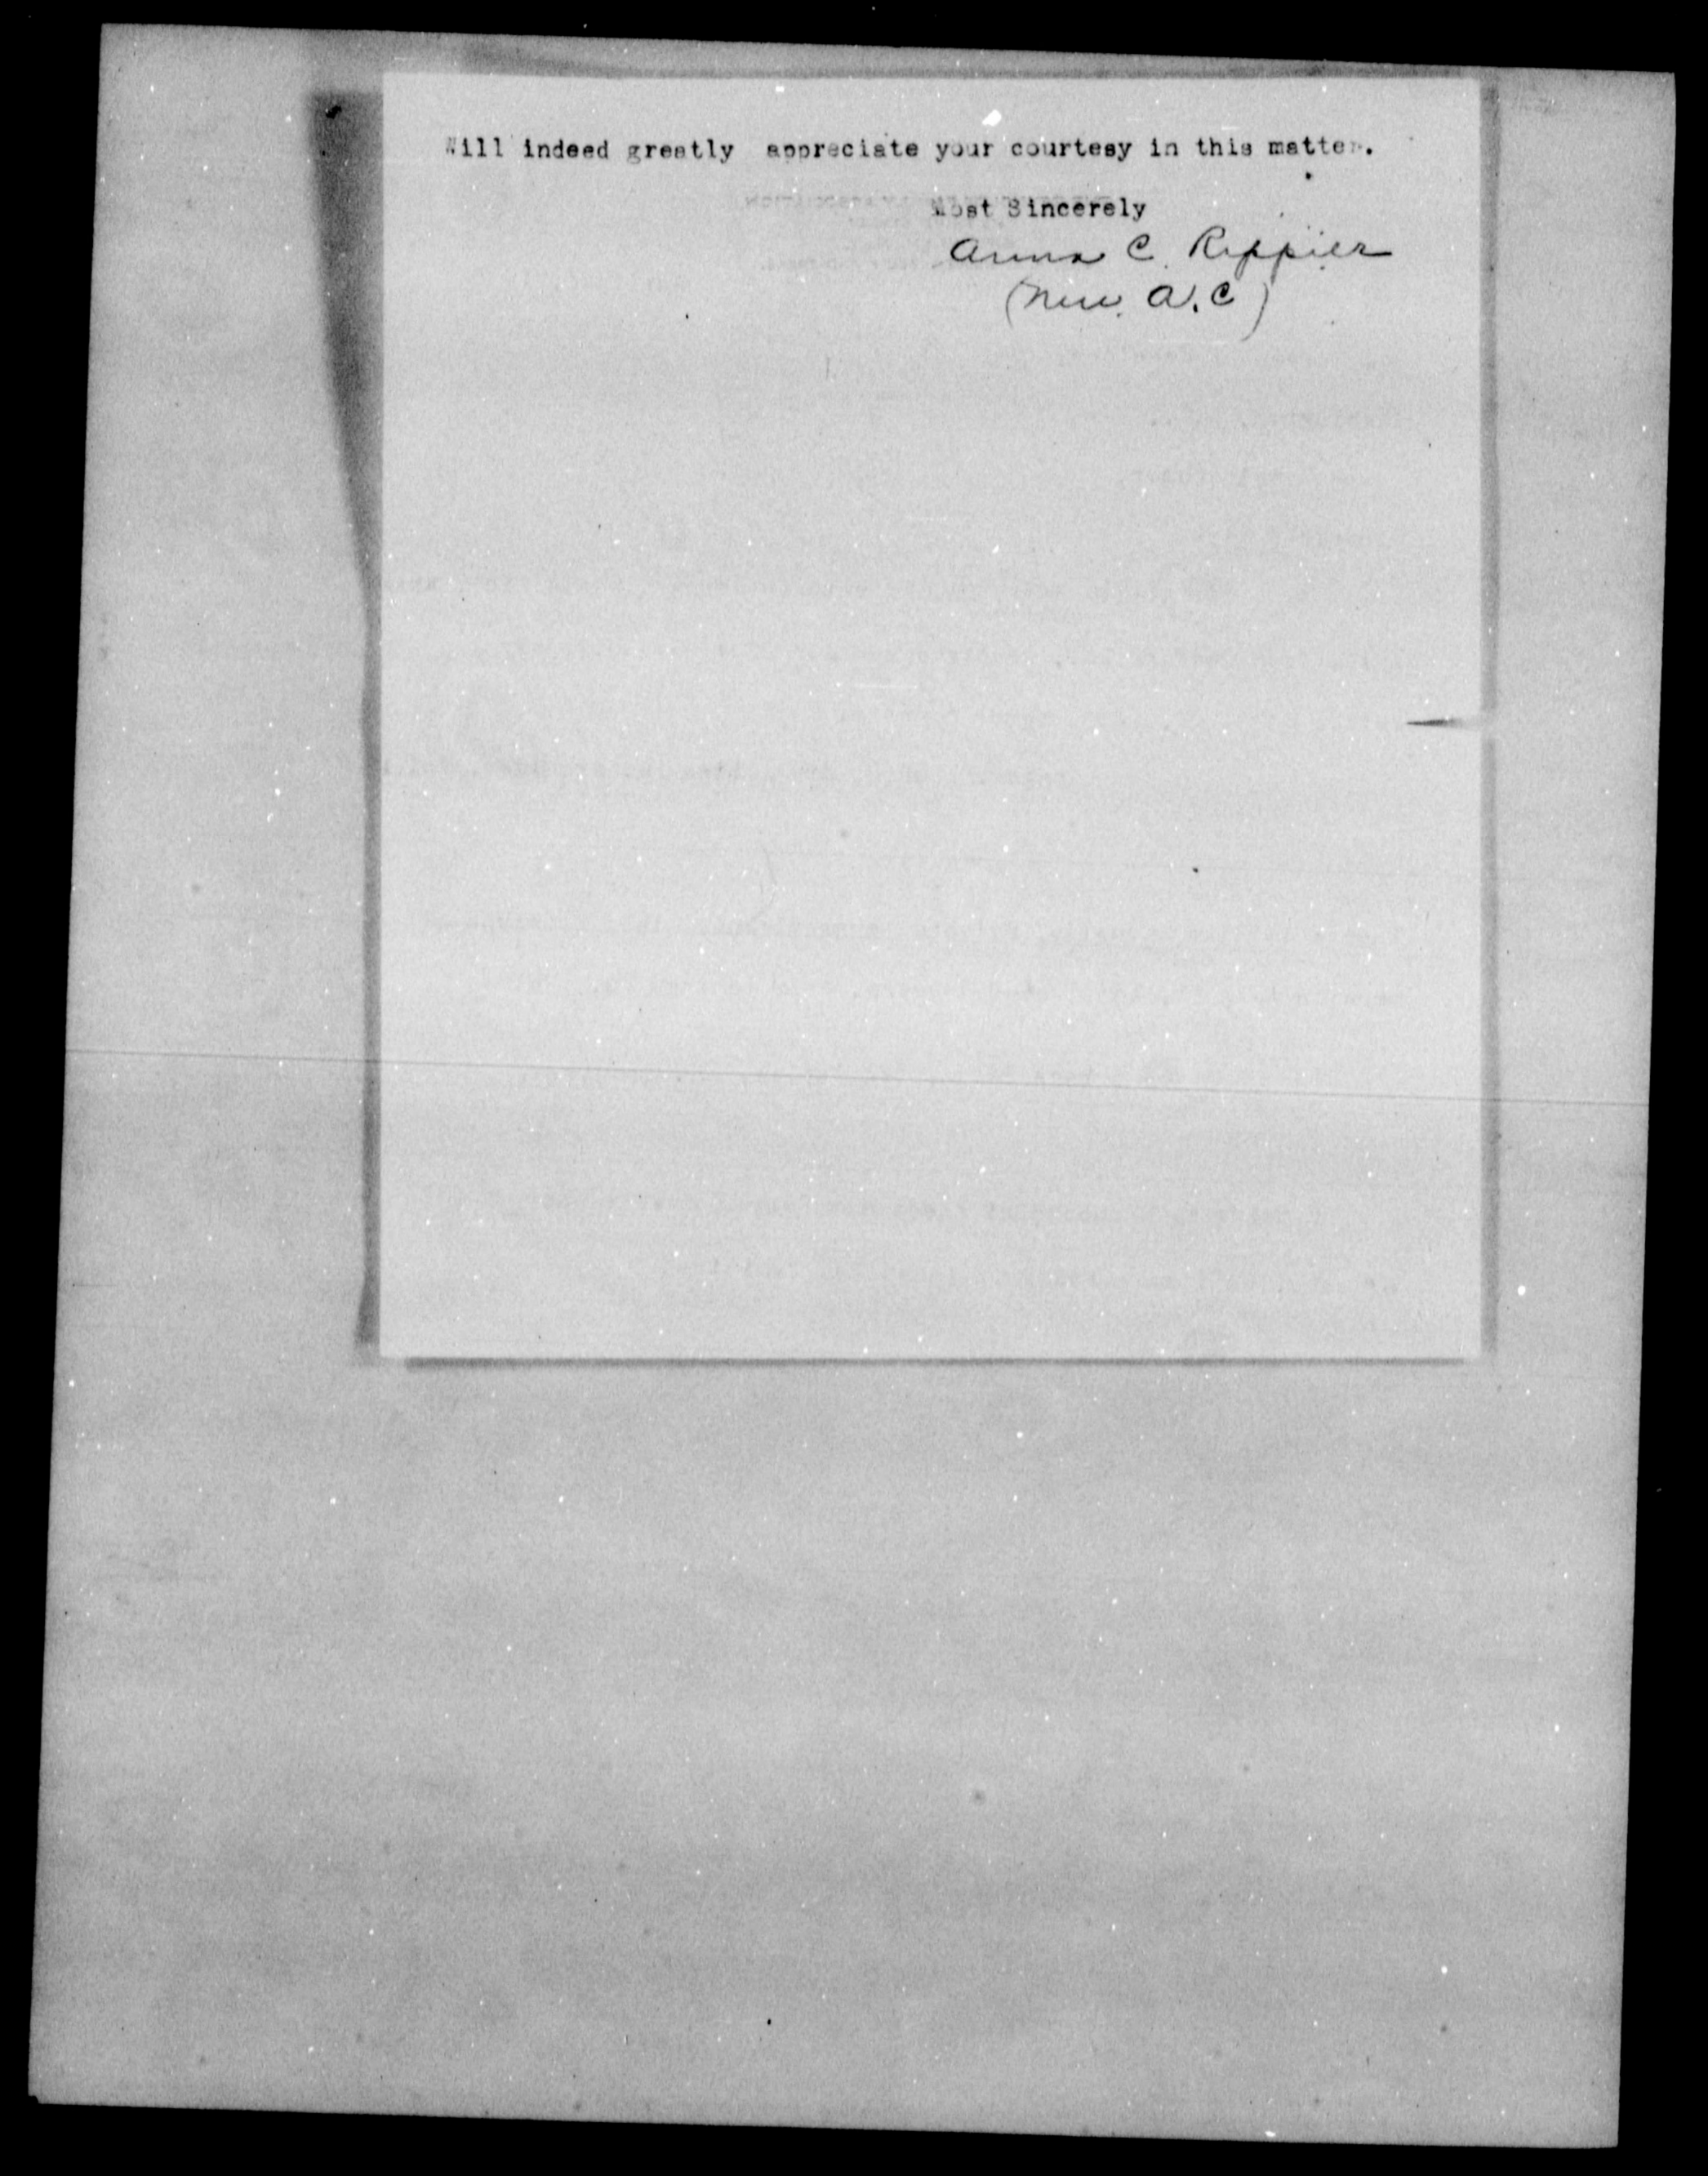Will indeed greatly appreciate your courtesy in this matter.
Most Sincerely
Anna C. Rippier
(Mrs. A.C.)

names: Anna C Rippier; A C Rippier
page: 15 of 19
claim: survivor's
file: S. 14,273, for William Reynolds, Pennsylvania